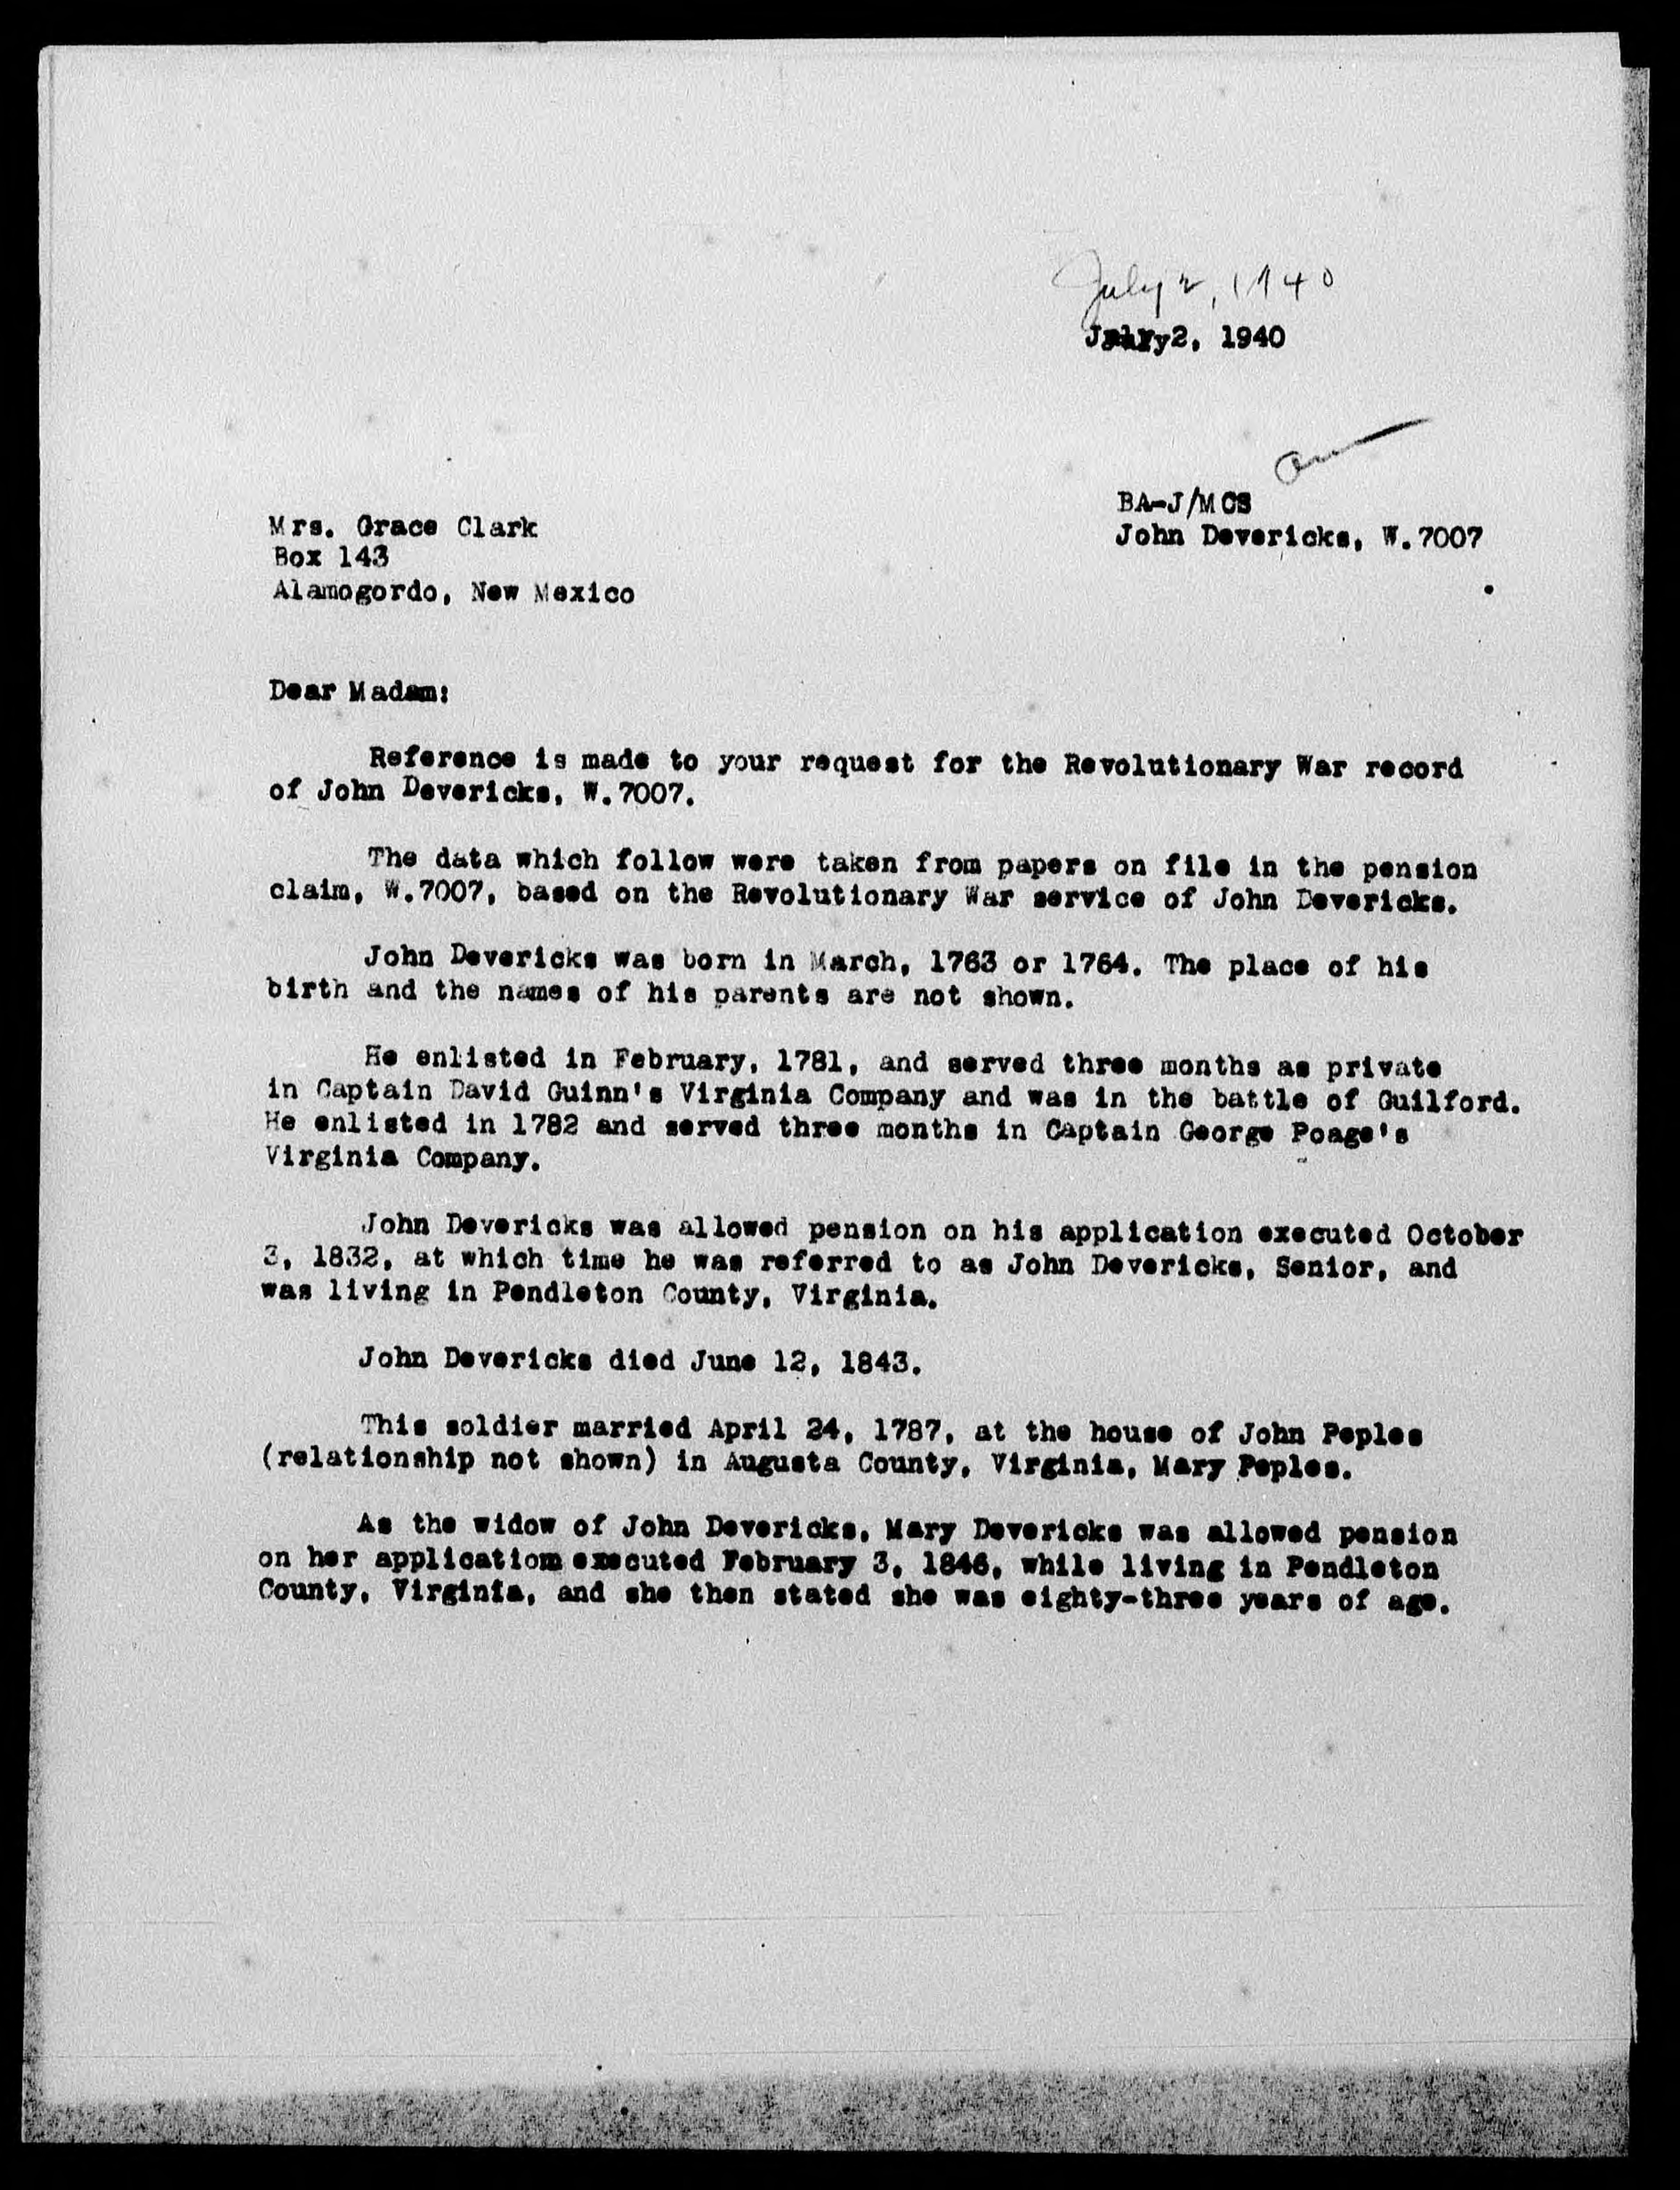July 2, 1940
[Typed letters scrambled] 1940

Mrs. Grace Clark
Box 143
Alamongordo, New Mexico

BA-J/MOS
John Devericks, W.7007

Dear Madam:

Reference is made to your request for the Revolutionary War record of John Devericks, W.7007.

The data which follow were taken from papers on file in the pension claim, W.7007, based on the Revolutionary War service of John Devericks.

John Devericks was born in March, 1763 or 1764. The place of his birth and the names of his parents are not shown.

He enlisted in February, 1781, and served three months as private in Captain David Guinn's Virginia Company and was in the battle of Guilford. He enlisted in 1782 and served three months in Captain George Poage's Virginia Company.

John Devericks was allowed pension on his application executed October 3, 1832, at which time he was referred to as John Devericks, Senior, and was living in Pendleton County, Virginia.

John Devericks died June 12, 1843.

This soldier married April 24, 1787, at the house of John Peples (relationship not shown) in Augusta County, Virginia, Mary Peples.

As the widow of John Devericks, Mary Devericks was allowed pension on her application executed February 3, 1846, while living in Pendleton County, Virginia, and she then stated she was eighty-three years of age.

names: Mary Peples, John Devericks, John Devericks, John Devericks, John Devericks, John Devericks, John Peples, Grace Clark, Mary Devericks, John Devericks, John Devericks, John Devericks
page: 12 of 35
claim: widow's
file: W 7007, John Devericks, Va.